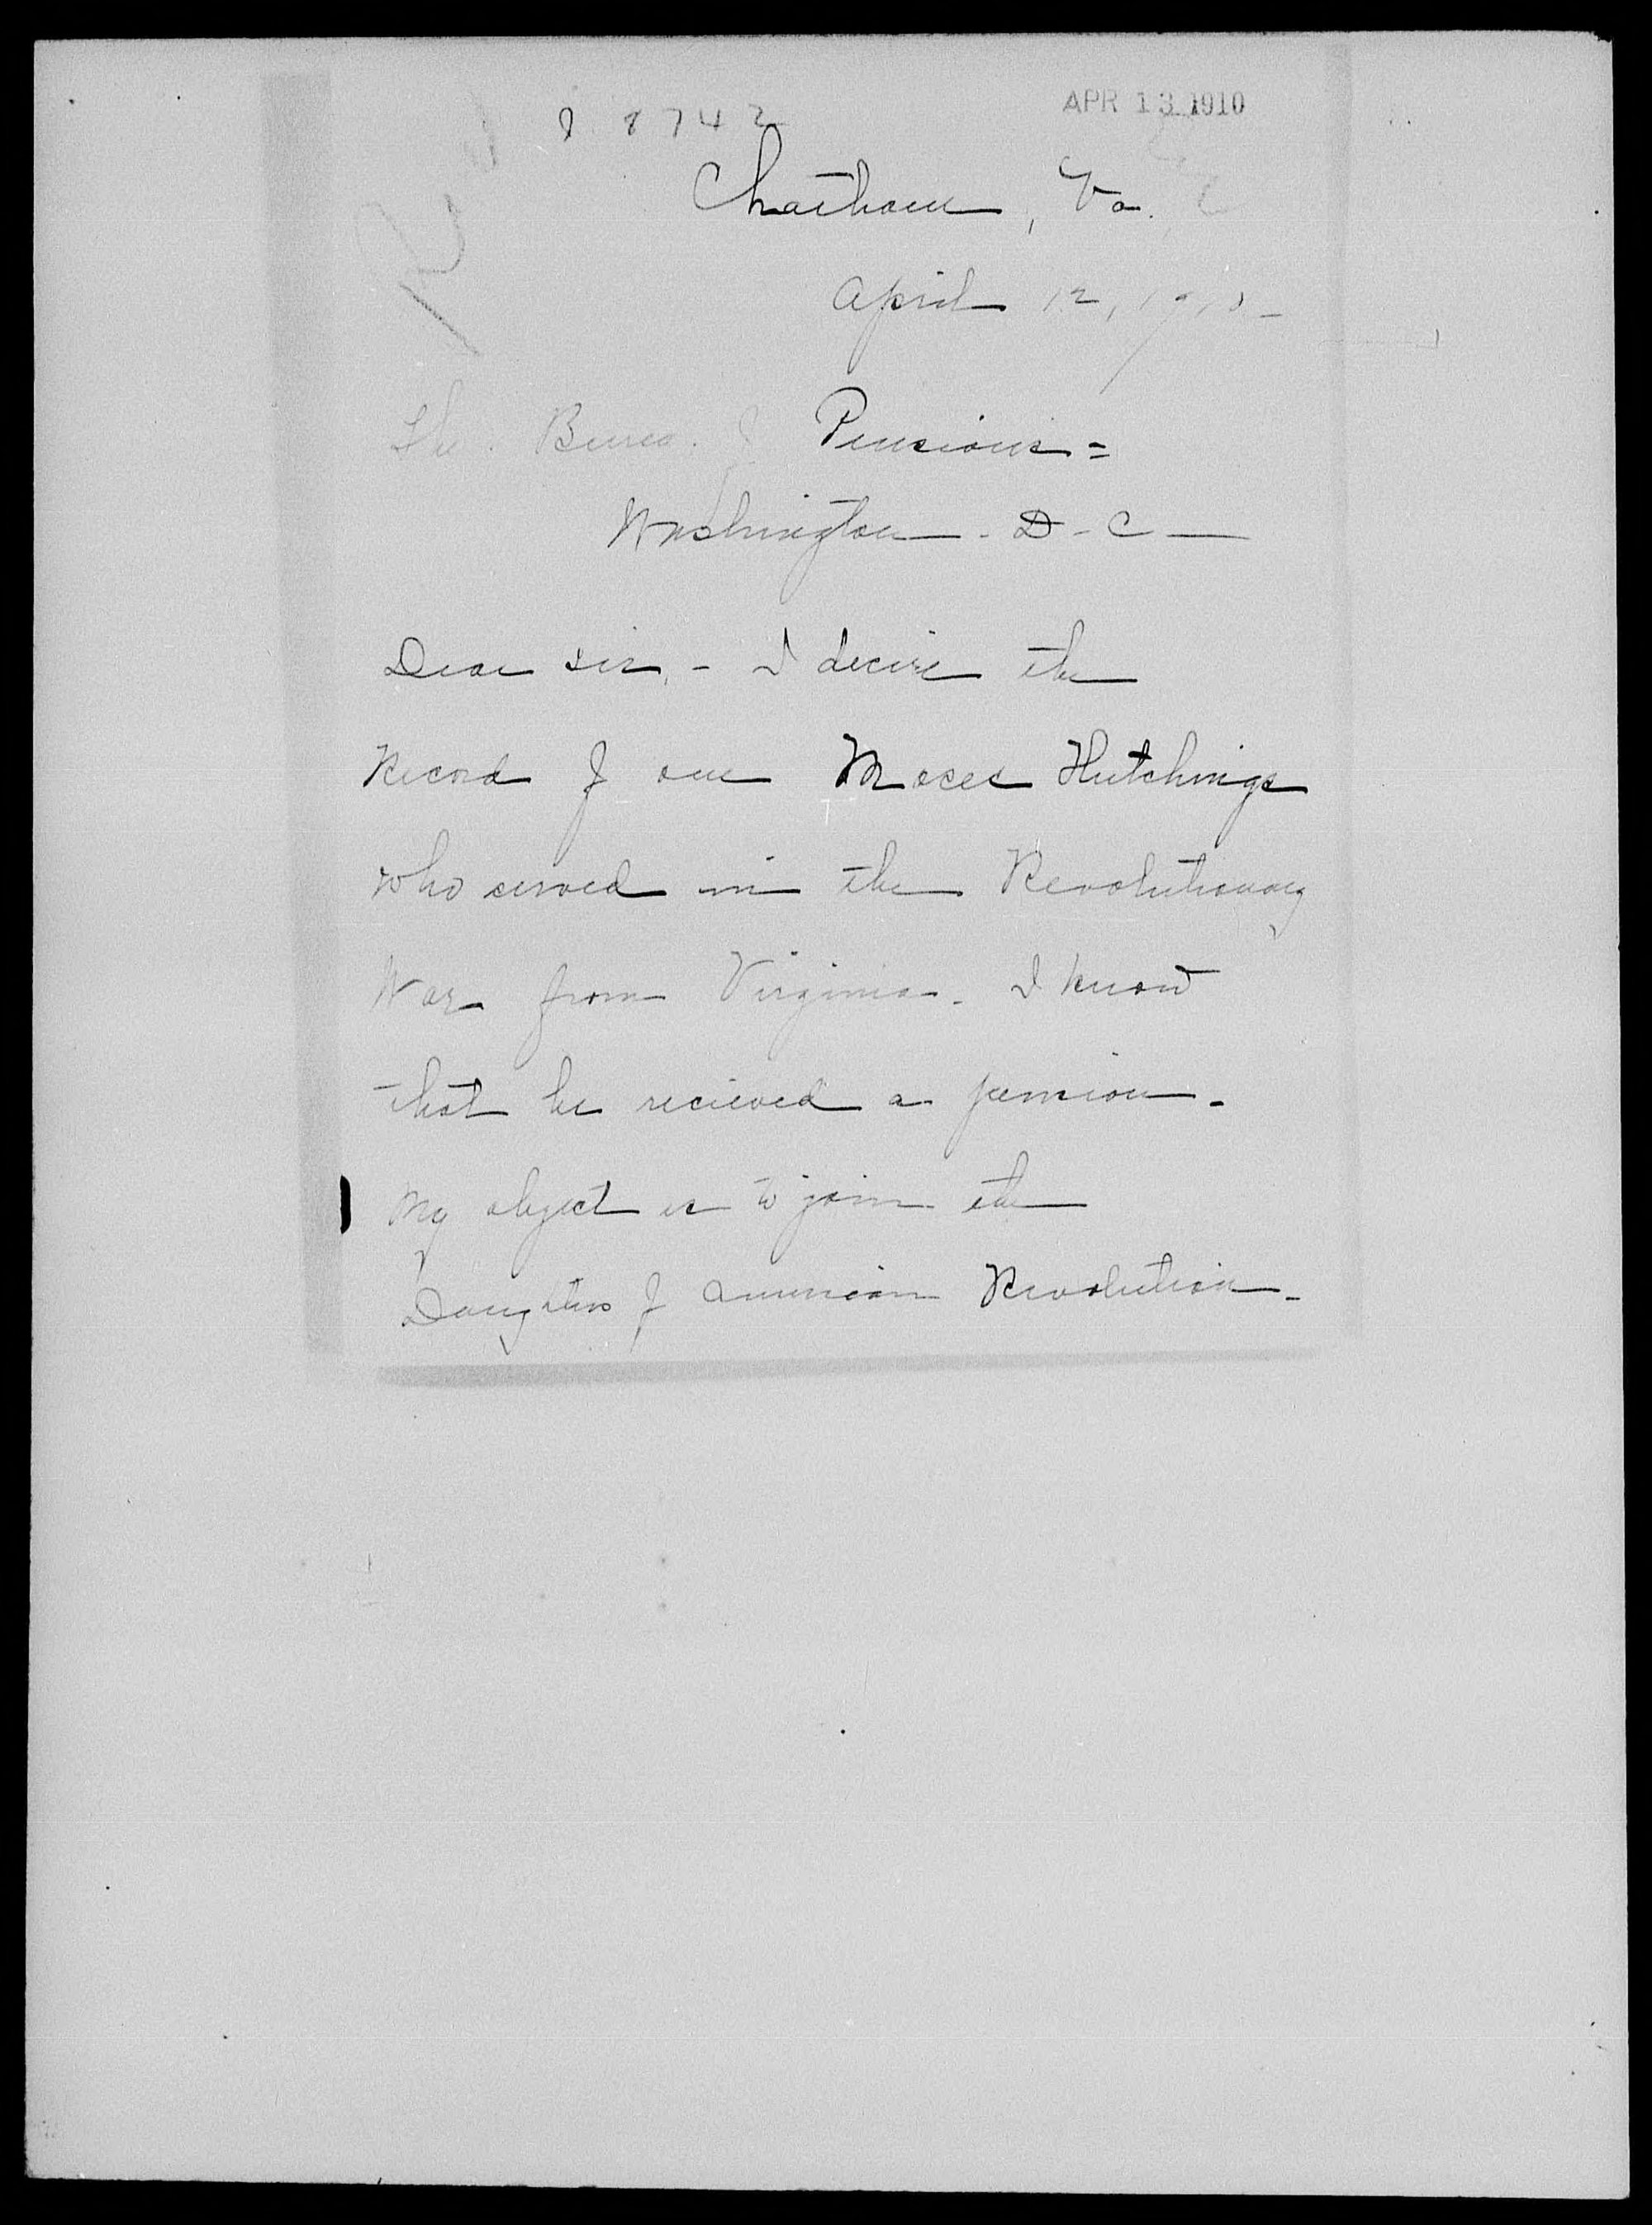[stamped] APR 13 1910

I 8742 
Chatham Va.
April 12, 1910

Rev

The Bureau of Pensions = 
Washington D. C – 

Dear Sir -- I desire the Record of one Moses Hutchings who served in the Revolutionary War from Virginia. I know that he received a pension. 
My object is to join the of Daughters of American Revolution -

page: 15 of 18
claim: survivor's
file: S. 8742, for Moses Hutchings, Virginia